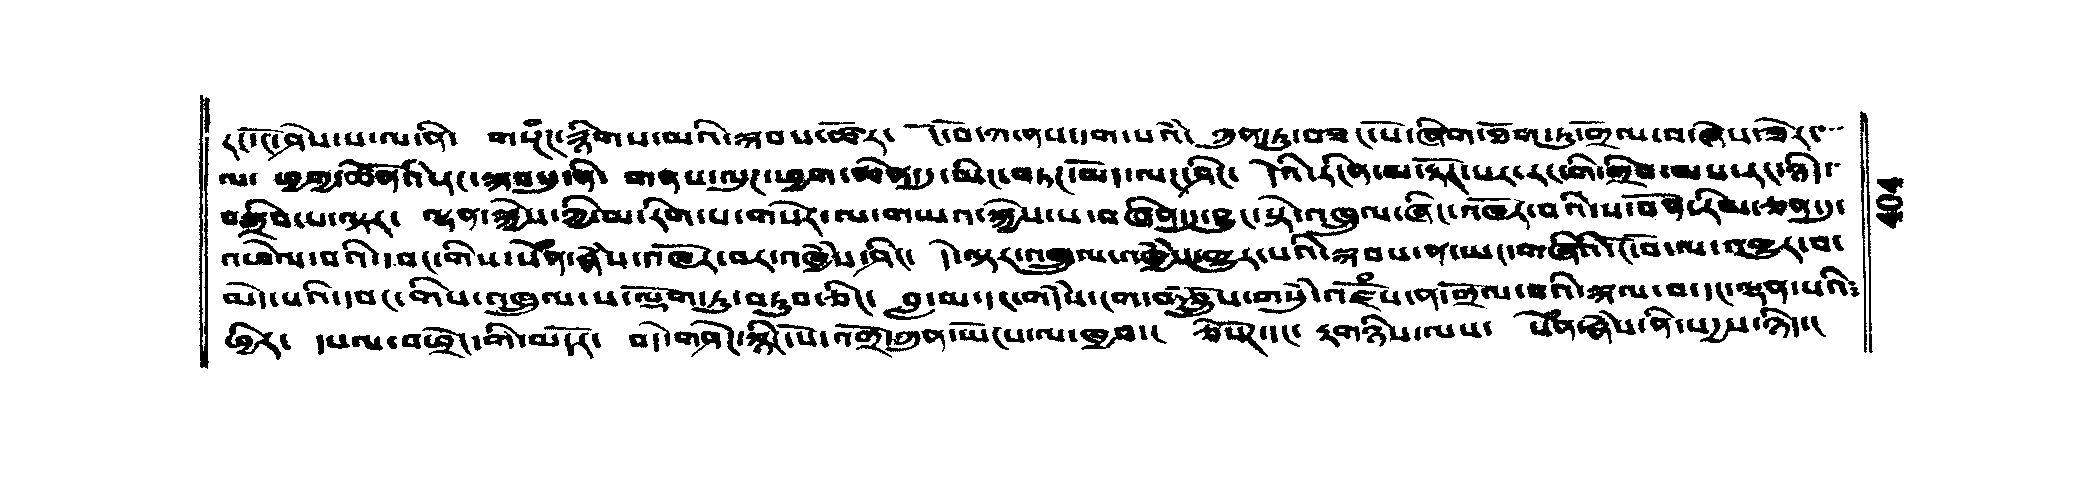རང་ངོ་ཤེས་པ་ལ་ནི། གསང་སྔགས་རྙིགས་མའི་སྐབས་ཚོར། ངོ་བོ་ཀ་ནས་དག་པའམ་ཀུན་ཏུ་བཟང་པོ་ཞིག་ཐོག་ཏུ་གྲོལ་བ་ཞེས་ཟེར་
ལ། ཕྱག་རྒྱ་ཆེན་པོའི་རང་སྐབས་སུ། གནས་ལུགས་ཕྱག་ཆེན་དུ་མིང་བཏགས་མོད་ལགས་ཤིང་། དེའི་རང་བཞིན་ལ་མ་རྟོགས་པར་རང་གི་གྲིབ་མས་རང་ཉིད
་བསྒྲིབ་པ་ལྟར། ལྷན་སྐྱེས་ཀྱི་མ་རིག་པ་གསེར་ལ་གཡའ་སྐྱེས་པ་བཞིན་དུ་བྱུང་སྟེ་འཁྲུལ་བའི་ས་བོན་རིམ་ཅན་དུ
་འཕེལ་བའི་དབང་གིས་སེམས་ཅན་རྣམས་འཁོར་བར་འཁྱམས་ཤིང་། དེ་ལྟར་འཁྲུལ་འཁྱམས་གྱུར་པའི་སྐབས་ན་ཡང་གཞིའི་ངོ་བོ་ལ་འགྱུར་བ་
མེད་པའི་དབང་གིས་འཁྲུལ་བ་ལྡོག་ཏུ་བཏུབ་ཅིང་། བླ་མ་དང་གདམས་ངག་བརྩོན་འགྲུས་གསུམ་འཛོམས་ན་གྲོལ་བའི་སྐལ་བ་དང་ལྡན་པའི་
ཕྱིར། དཔལ་འཕྲེང་གི་མདོར། བདེ་བཤེགས་སྙིང་པོ་འགྲོ་བ་ཡོངས་ལ་ཁྱབ། །ཅེས་སོགས་དང་། རྟག་གཉིས་ལས། སེམས་ཅན་རྣམས་ནི་སངས་རྒྱས་ཉིད། །